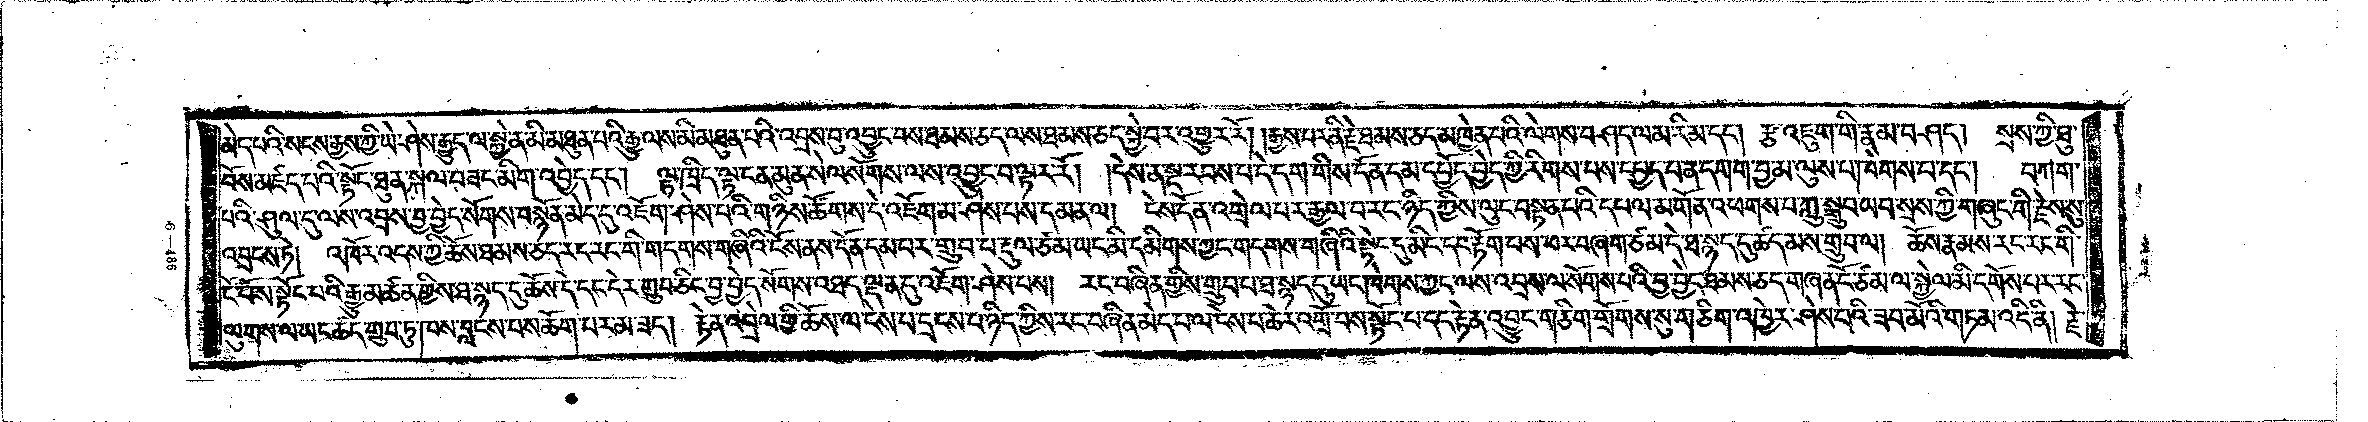མེད་པའི་སངས་རྒྱས་ཀྱི་ཡེ་ཤེས་རྒྱུད་ལ་སྐྱེ་ན་མི་མཐུན་པའི་རྒྱུ་ལས་མི་མཐུན་པའི་འབྲས་བུ་འབྱུང་བས་ཐམས་ཅད་ལས་ཐམས་ཅད་སྐྱེ་བར་འགྱུར་རོ། །རྒྱས་པར་ནི་རྗེ་ཐམས་ཅད་མཁྱེན་པའི་ལེགས་བཤད་ལམ་རིམ་དང་། རྩ་འཇུག་གི་རྣམ་བཤད། སྲས་ཀྱི་ཐུ་
བོས་མཛད་པའི་སྟོང་ཐུན་སྐལ་བཟང་མིག་འབྱེད་དང་། ལྟ་ཁྲིད་ལྟ་ངན་མུན་སེལ་སོགས་ལས་འབྱུང་བ་ལྟར་རོ། །དེས་ན་སྔ་རབས་པ་དེ་དག་གིས་དོན་དམ་དཔྱོད་བྱེད་ཀྱི་རིགས་པས་དཔྱད་པ་ན་དགག་བྱ་མ་ལུས་པ་ཁེགས་པ་དང་། བཀག་
པའི་ཤུལ་དུ་ལས་འབྲས་བྱ་བྱེད་སོགས་བསྙོན་མེད་དུ་འཇོག་ཤེས་པའི་གཉིས་ཚོགས་དེ་འཇོག་མ་ཤེས་པས་དམན་ལ། ངེས་དོན་འགྲེལ་པར་རྒྱལ་བ་རང་ཉིད་ཀྱིས་ལུང་བསྟན་པའི་དཔལ་མགོན་འཕགས་པ་ཀླུ་སྒྲུབ་ཡབ་སྲས་ཀྱི་གཞུང་གི་རྗེས་སུ་
འབྲངས་ཏེ། འཁོར་འདས་ཀྱི་ཆོས་ཐམས་ཅད་རང་རང་གི་གདགས་གཞིའི་ངོས་ནས་དོན་དམ་པར་གྲུབ་པ་རྡུལ་ཙམ་ཡང་མི་དམིགས་ཀྱང་གདགས་གཞིའི་སྟེང་དུ་མིང་དང་རྟོག་པས་ཕར་བཞག་ཙམ་དེ་ཐ་སྙད་དུ་ཚད་མས་གྲུབ་ལ། ཆོས་རྣམས་རང་རང་གི་
ངོ་བོས་སྟོང་པའི་རྒྱུ་མཚན་གྱིས་ཐ་སྙད་དུ་ཆོས་དེ་དང་དེར་གྲུབ་ཅིང་བྱ་བྱེད་སོགས་འཐད་ལྡན་དུ་འཇོག་ཤེས་པས། རང་བཞིན་གྱིས་གྲུབ་པ་ཐ་སྙད་དུ་ཡང་ཁེགས་ཀྱང་ལས་འབྲས་ལ་སོགས་པའི་བྱ་བྱེད་ཐམས་ཅད་གཞན་ངོ་ཙམ་ལ་སྐྱེལ་མི་དགོས་པར་རང་
ལུགས་ལ་ཡང་ཚད་གྲུབ་ཏུ་ཁས་བླངས་པས་ཆོག་པར་མ་ཟད། རྟེན་འབྲེལ་གྱི་ཆོས་ལ་ངེས་པ་དྲངས་པ་ཉིད་ཀྱིས་རང་བཞིན་མེད་བ་ལ་ངེས་པ་ཆེར་འགྲོ་བས་སྟོང་པ་དང་རྟེན་འབྱུང་གཅིག་གྲོགས་སུ་གཅིག་འཁྱེར་ཤེས་པའི་ཟབ་མོའི་གཏམ་འདི་ནི། རྗེ་